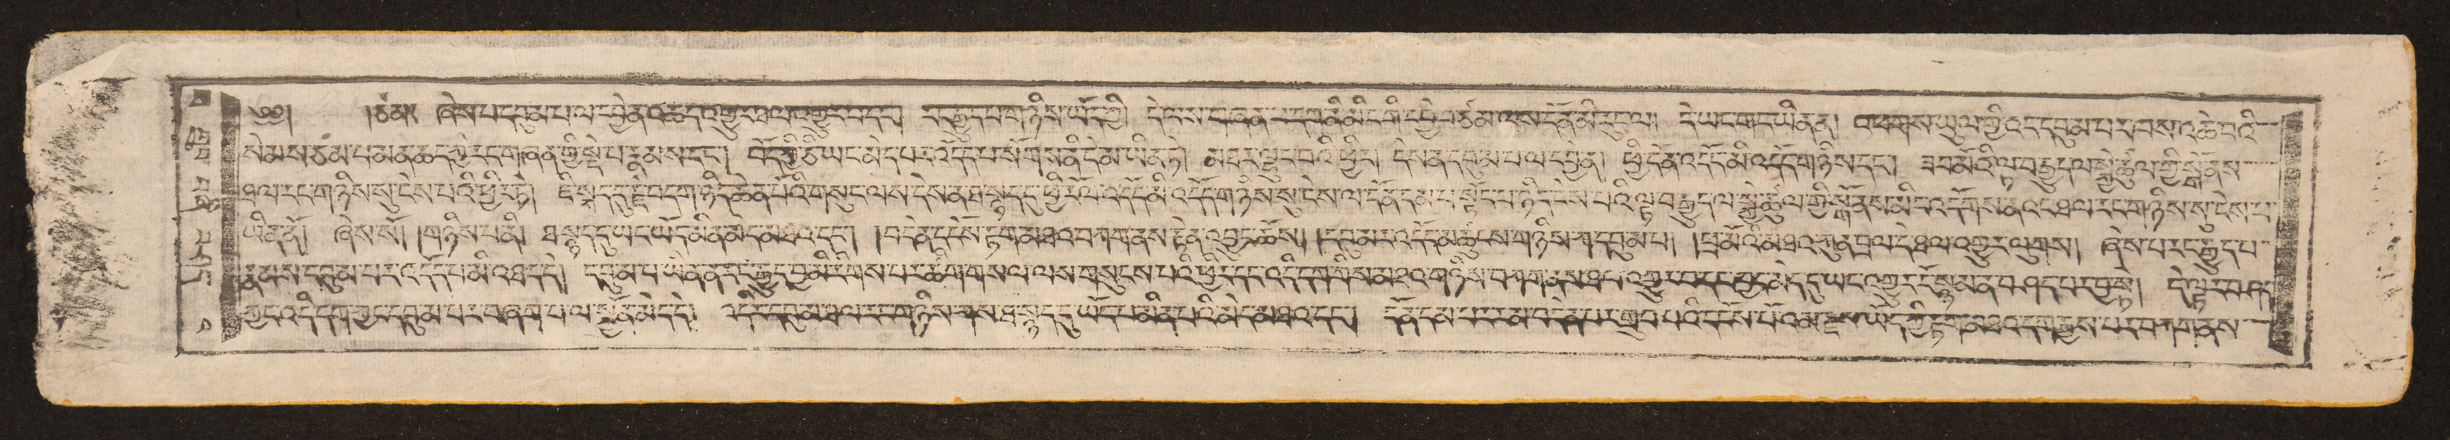༄༅། །ཙམ༑ ཞེས་པ་དབུམ་བ་ལང་བྱེན་འཆད་འགྱུར་ཐལ་འགྱུར་བ་དང་། རང་རྒྱུད་བ་གཉིས་ཡོད་ཀྱི། དེ་ཡས་གཞན་བདག་ནི་མིང་གི་དབྱེ་བ་ཙམ་ལས་དོན་མི་རུང་ལ། དེ་ཡང་གང་ཡིན་ན། འཕགས་ཡུལ་གྱིའང་དབུམ་པར་ཁས་འཆེ་བའི་
སེམས་ཙམ་པ་མན་ཆེད་ཀྱི་རང་གཞན་གྱི་སྡེ་པ་རྣམས་དང་། བོད་ཀྱི་ཅི་ཡང་མེད་པར་འདོད་པ་སོགས་ནི་དེ་མ་ཡིན་ཏེ། མཐར་ལྷུང་བའི་ཕྱིར། དེས་ན་དབུ་མ་བ་ལང་བྱེ་ན། ཕྱི་དོན་འདོད་མི་འདོད་གཉིས་དང་། ཟབ་མོའི་ལྷ་བརྒྱུད་ལ་སྐྱེ་ཚུལ་གྱི་སྒོ་ནས་
ཐལ་རང་གཉིས་སུ་ངེས་པའི་ཕྱིར་ཏེ། ཇི་སྐད་དུ་རྗེ་བདག་ཉིད་ཆེན་པོའི་གསུང་ལས་དེས་ན་ཐ་སྙད་དུ་ཕྱི་རོལ་འདོད་མི་འདོད་གཉིས་སུ་ངེས་ལ་དོན་དམ་པ་སྟོང་པ་ཉིད་ངེས་པའི་ལྷ་བརྒྱུད་ལ་སྐྱེ་ཚུལ་གྱི་སྒྲོ་ནས་མིང་འདོགས་ནའང་ཐལ་རང་གཉིས་སུ་ངེས་པ་
ཡིན་ནོ། ཞེས་སོ། །གཉིས་བ་ནི། ཐ་སྙད་དུ་ཡང་ཡོད་མིན་མེད་མཐའ་དང་། །བདེན་དངོས་རྟག་མཐའ་བཀག་ནས་རྟེན་འབྱུང་ཆོས། །དབུ་མར་འདོད་མཚུངས་གཉིས་ཀ་དབུ་མ་བ། །ཕྲ་མོའི་མཐའ་ཀུན་བྲལ་དེ་ཐལ་འགྱུར་ལུགས། ཞེས་པ་རང་རྒྱུད་པ་
རྣམས་དབུམ་པར་འདོད་པ་མི་འཐད་དེ། དབུ་མ་བ་ཡིན་ན་རང་རྒྱུད་བྱ་མི་རིགས་པར་ཚིག་གསལ་ལས་གསུངས་པའི་ཕྱིར་དང་འདི་དག་གིས་མཐའ་གཉིས་བཀག་ནས་ཐལ་འགྱུར་བ་དང་ཁྱད་མེད་དུ་ཡང་འགྱུར་ངོ་སྙམ་ན་བཤད་པར་བྱ་སྟེ། དེ་ལྟར་བཤད་
ཀྱང་འདི་དག་ཀྱང་དབུམ་པར་བཞག་པ་ལ་སྐྱོན་མེད་དེ། འདིར་དབུ་མཐལ་རང་གཉིས་ཀས་ཐ་སྙད་དུ་ཡོད་པ་མིན་པའི་མེད་མཐའ་དང་། དོན་དམ་པར་རམ་བདེན་པར་གྲུབ་བའི་དངོས་པོའམ་རྫས་ཡོད་ཀྱི་རྟག་མཐའ་དག་རྒྱས་པར་བཀག་ནས་